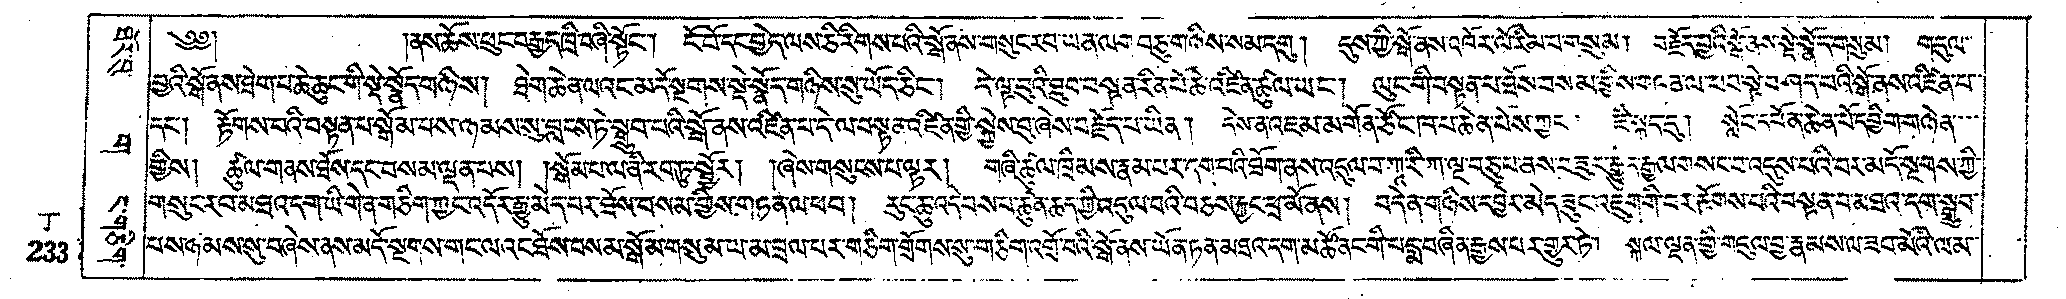༄༅། །ནས་ཆོས་ཕུང་བརྒྱད་ཁྲི་བཞི་སྟོང་། ངོ་བོ་དང་བྱེད་ལས་ཅི་རིགས་པའི་སྒོ་ནས་གསུང་རབ་ཡན་ལག་བཅུ་གཉིས་སམ་དགུ། དུས་ཀྱི་སྒོ་ནས་འཁོར་ལོ་རིམ་པ་གསུམ། བརྗོད་བྱའི་སྒོ་ནས་སྡེ་སྣོད་གསུམ། གདུལ་་་
བྱའི་སྒོ་ནས་ཐེག་པ་ཆེ་ཆུང་གི་སྡེ་སྣོད་གཉིས། ཐེག་ཆེན་ལའང་མདོ་སྔགས་སྡེ་སྣོད་གཉིས་སུ་ཡོད་ཅིང་། དེ་ལྟ་བུའི་ཐུབ་བསྟན་རིན་པོ་ཆེ་འཛིན་ཚུལ་ཡང་། ལུང་གི་བསྟན་པ་ཐོས་བསམ་གྱིས་གཏན་ལ་ཕབ་སྟེ་བཤད་པའི་སྒོ་ནས་འཛིན་པ་་་
དང་། རྟོགས་པའི་བསྟན་པ་སྒོམ་པས་ཉམས་སུ་བླངས་ཏེ་སྒྲུབ་པའི་སྒོ་ནས་འཛིན་པ་དེ་ལ་བསྟན་འཛིན་གྱི་སྐྱེས་བུ་ཞེས་བརྗོད་པ་ཡིན། དེས་ན་འཇམ་མགོན་ཙོང་ཁ་པ་ཆེན་པོས་ཀྱང་། ཇི་སྐད་དུ། སློབ་དཔོན་ཆེན་པོ་དབྱིག་གཉེན་་་
གྱིས། ཚུལ་གནས་ཐོས་དང་བསམ་ལྡན་པས། །སྒོམ་པ་ལ་ནི་རབ་ཏུ་སྦྱོར། །ཞེས་གསུངས་པ་ལྟར། གཞི་ཚུལ་ཁྲིམས་རྣམ་པར་དག་པའི་ཐོག་ནས་འདུལ་བ་ཀཱ་རི་ཀ་ལྔ་བཅུ་པ་ནས་བཟུང་རྒྱུད་རྒྱལ་གསང་བ་འདུས་པའི་བར་མདོ་སྔགས་ཀྱི་
གསུང་རབ་མཐའ་དག་ཡི་གེ་ན་གཅིག་ཀྱང་འདོར་རྒྱུ་མེད་པར་ཐོས་བསམ་གྱིས་གཏན་ལ་ཕབ། རུང་ཆུ་འདེབས་པ་ཚུན་ཆད་ཀྱི་འདུལ་བའི་བཅས་རྐྱང་ཕྲ་མོ་ནས། བདེན་གཉིས་དབྱེར་མེད་ཟུང་འཇུག་གི་བར་རྟོགས་པའི་བསྟན་པ་མཐའ་དག་སྒྲུབ་
པས་ཉམས་སུ་བཞེས་ནས་མདོ་སྔགས་གང་ལའང་ཐོས་བསམ་སྒོམ་གསུམ་ཡ་མ་བྲལ་པར་གཅིག་གྲོགས་སུ་གཅིག་འགྲོ་བའི་སྒོ་ནས་ཡོན་ཏན་མཐའ་དག་མཚོ་ནང་གི་པདམ་བཞིན་རྒྱས་པར་གྱུར་ཏེ། སྐལ་ལྡན་གྱི་གདུལ་བྱ་རྣམས་ལ་ཟབ་མོའི་ལམ་་་